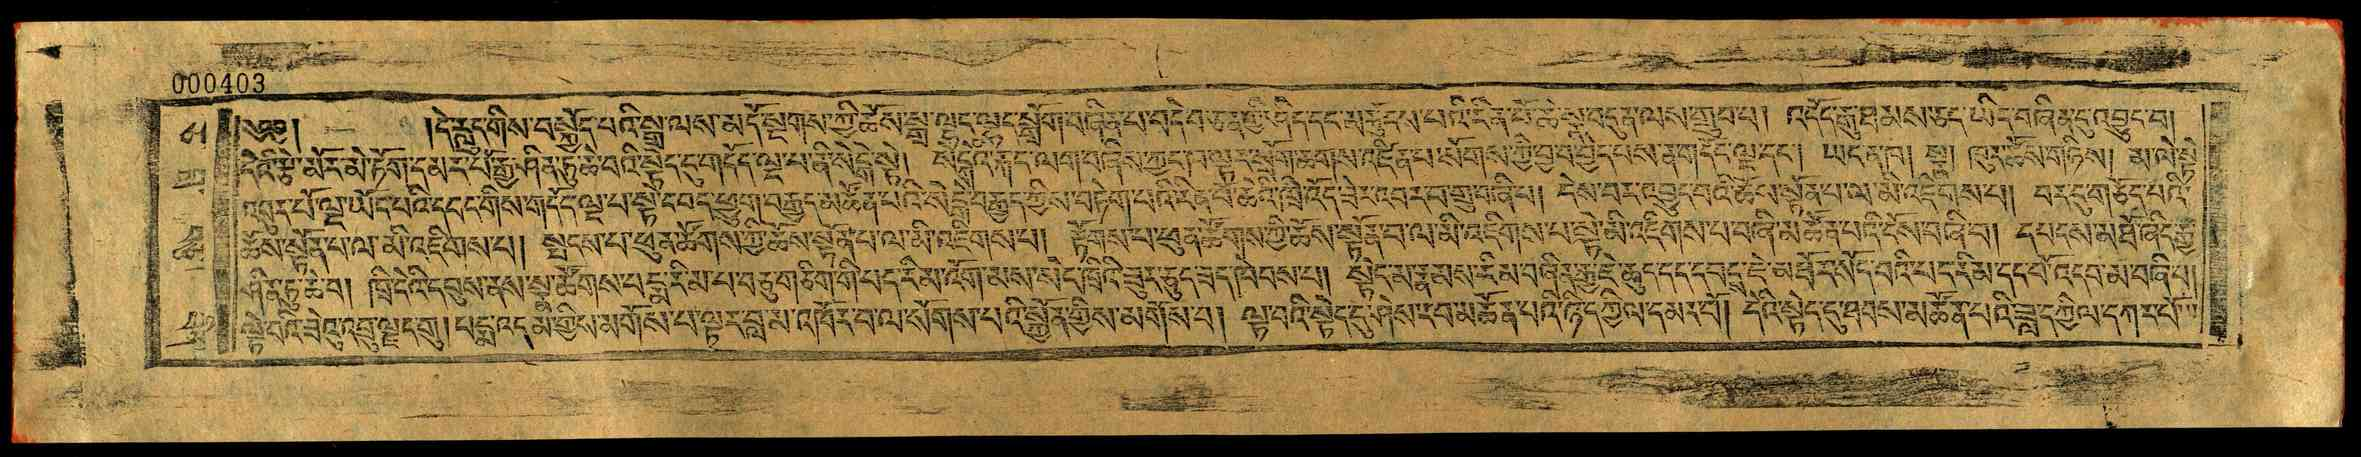༄༅། །དེ་རླུང་གིས་བསྐྱོད་པའི་སྒྲ་ལས་མདོ་སྔགས་ཀྱི་ཆོས་སྒྲ་ལྷང་ལྷང་སྒྲོག་བཞིན་པ་བདེ་བ་ཅན་གྱི་ཤིང་དང་མཚུངས་པའི་རིན་པོ་ཆེ་སྣ་བདུན་ལས་གྲུབ་པ། འདོད་རྒུ་ཐམས་ཅད་ཡིད་བཞིན་དུ་འབྱུང་བ།
དེའི་རྩེ་མོར་མེ་ཏོག་དམར་པོ་རྒྱ་ཤིན་ཏུ་ཆེ་བའི་སྟེང་དུ་གདོད་ལྔ་པ་ནི་སེངྒེ་སྟེ། སེངྒེའི་རྐང་ལག་བཞིས་ཀྱང་ཁ་ལྟར་སྲོག་ཆགས་འཛིན་པ་སོགས་ཀྱི་བྱ་བ་བྱེད་པས་ན་གདོང་ལྔ་དང་། ཡང་ན་ཁ། སྣ༑ ཁུར་ཚོས་གཉིས། མ་ལེ་སྟེ་
འབུར་པོ་ལྔ་ཡོད་པའི་དབང་གིས་གདོང་ལྔ་པ་སྟེ་དབང་ཕྱུག་བརྒྱད་མཚོན་པའི་སེངྒེ་བརྒྱད་ཀྱིས་བཏེག་པའི་རིན་པོ་ཆེའི་ཁྲི་འོད་ཟེར་འབར་བ་གྲུ་བཞི་པ། ངེས་པར་འབྱུང་བའི་ཆོས་སྟོན་པ་ལ་མི་འཇིགས་པ། བར་དུ་གཅོད་པའི་
ཆོས་སྟོན་པ་ལ་མི་འཇིགས་པ། སྤངས་པ་ཕུན་ཚོགས་ཀྱི་ཆོས་སྟོན་པ་ལ་མི་འཇིགས་པ། རྟོགས་པ་ཕུན་ཚོགས་ཀྱི་ཆོས་སྟོན་པ་ལ་མི་འཇིགས་པ་སྟེ་མི་འཇིགས་པ་བཞི་མཚོན་པའི་ངོས་བཞི་པ། དཔངས་མཐོ་ཞིང་རྒྱ་
ཤིན་ཏུ་ཆེ་བ། ཁྲི་དེའི་དབུས་ནས་སྣ་ཚོགས་པདམ་རིམ་པ་བཅུ་གཅིག་གི་པད་རིམ་འོག་མས་སེང་ཁྲིའི་ཟུར་ཅུང་ཟད་ཁེབས་པ། སྟེང་མ་རྣམས་རིམ་བཞིན་རྒྱ་ཇེ་ཆུང་དང་དཔངས་ཇེ་མཐོར་སོང་བའི་པད་རིམ་དང་པོ་འདབ་མ་བཞི་པ།
ལྟེ་བའི་ཟེའུ་འབྲུ་ལྗང་གུ། པདམ་འདམ་གྱིས་མ་གོས་པ་ལྟར་བླ་མ་འཁོར་བ་ལ་སོགས་པའི་སྐྱོན་གྱིས་མ་གོས་པ། ལྟེ་བའི་སྟེང་དུ་ཤེས་རབ་མཚོན་པའི་ཉི་དཀྱིལ་དམར་པོ། དེའི་སྟེང་དུ་ཐབས་མཚོན་པའི་ཟླ་དཀྱིལ་དཀར་པོ་